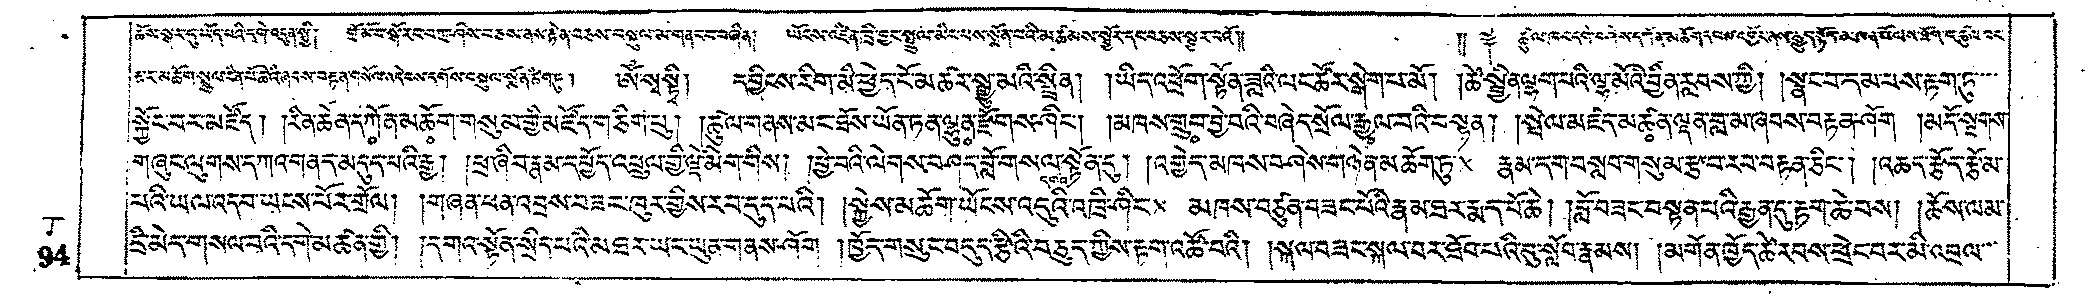ཆོས་སྒར་དུ་ཡོད་པའི་དགེ་འདུན་སྤྱི། གྲོ་མོ་བ་སྒོ་རབ་བཀྲ་ཤིས་བཅས་ནས་རྟེན་བཅས་བསྐུལ་མ་གནང་བ་བཞིན། ཡོངས་འཛིན་ཁྲི་བྱང་སྤྲུལ་མིང་པས་སྨོན་པའི་མཚམས་སྦྱོར་དང་བཅས་སྦྱར་བའོ།། །། འ་ཚུལ་ཁང་དགེ་བཤེས་དཀོན་མཆོག་དཔལ་འབྱོར་ནས་རྒྱུད་སྟོད་མཁན་པོ་ལས་ཐོག་པ་ཚུལ་ཁང་
རྟ་ར་མཆོག་སྤྲུལ་རིན་པོ་ཆེའི་ཞབས་བརྟན་གསོལ་འདེབས་དགོས་བསྐུལ་སྨོན་ཚིག་ཏུ། ཨོཾ་སྭསྟྭི། དབྱིངས་རིག་མི་ཕྱེད་ངོ་མཚར་སྒྱུ་མའི་སྤྲིན། །ཡིད་འཕྲོག་སྟོན་ཟླའི་ལང་ཚོར་སྒེག་པ་མོ། །ཚེ་སྦྱིན་ལྷག་པའི་ལྷ་མོའི་བྱིན་རླབས་ཀྱི། །སྣང་བ་དམ་པས་རྟག་ཏུ་་་
སྐྱོང་བར་མཛོད། །རིན་ཆེན་དཀོན྾་མཆོག྾་གསུམ་གྱི་མཛོད་གཅིག་པུ། །ཚུལ་གནས་མང་ཐོས་ཡོན་ཏན་ལྷུན྾་རྫོགས་ཤིང་། །མཁས་གྲུབ྾་བྱེ་བའི་བཞེད་སྲོལ་རྒྱལ྾་བའི་བསྟན། །སྤེལ་མཛད་མཚན྾་ལྡན་བླ་མ་ཞབས་བརྟན་ཤོག །མདོ་སྔགས་
གཞུང་ལུགས་དཀའ་གནད་མདུད་པའི་རྒྱ། །ཕྲ་ཞིབ་རྣམ་དཔྱོད་འཕྲུལ་གྱི་ལྡེ་མིག་གིས། །ཕྱེ་བའི་ལེགས་བཤད་བློ་གསལ་དགའ་སྟོན་དུ། །འགྱེད་མཁས་བཤེས་གཉེན་མཆོག་ཏུ་྾་རྣམ་དག་བསླབ་གསུམ་རྩ་བ་རབ་བརྟན་ཅིང་། །འཆད་རྩོད་རྩོམ་
པའི་ཡལ་འདབ་ཡངས་པོར་གྲོལ། །གཞན་ཕན་འབྲས་བཟང་ཁུར་གྱིས་རབ་དུད་པའི། །སྐྱེས་མཆོག་ཡོངས་འདུའི་འཁྲི་ཤིང་྾་མཁས་བཙུན་བཟང་པོའི་རྣམ་ཐར་རྨད་པོ་ཆེ། །བློ་བཟང་བསྟན་པའི་རྒྱན་དུ་རྟག་ཆེ་བས། །ཆོས་ལམ་
དྲི་མེད་གསལ་བའི་དགེ་མཚན་གྱི། །དགའ་སྟོན་སྲིད་པའི་མཐར་ཡང་ཡུན་གནས་ཤོག །ཁྱོད་གསུང་བདུད་རྩིའི་བཅུད་ཀྱིས་རྟག་འཚོ་བའི། །སྐལ་བཟང་སྐལ་བར་ཐོབ་པའི་བུ་སློབ་རྣམས། །མགོན་ཁྱོད་ཚེ་རབས་ཕྲེང་བར་མི་འབྲལ་་་